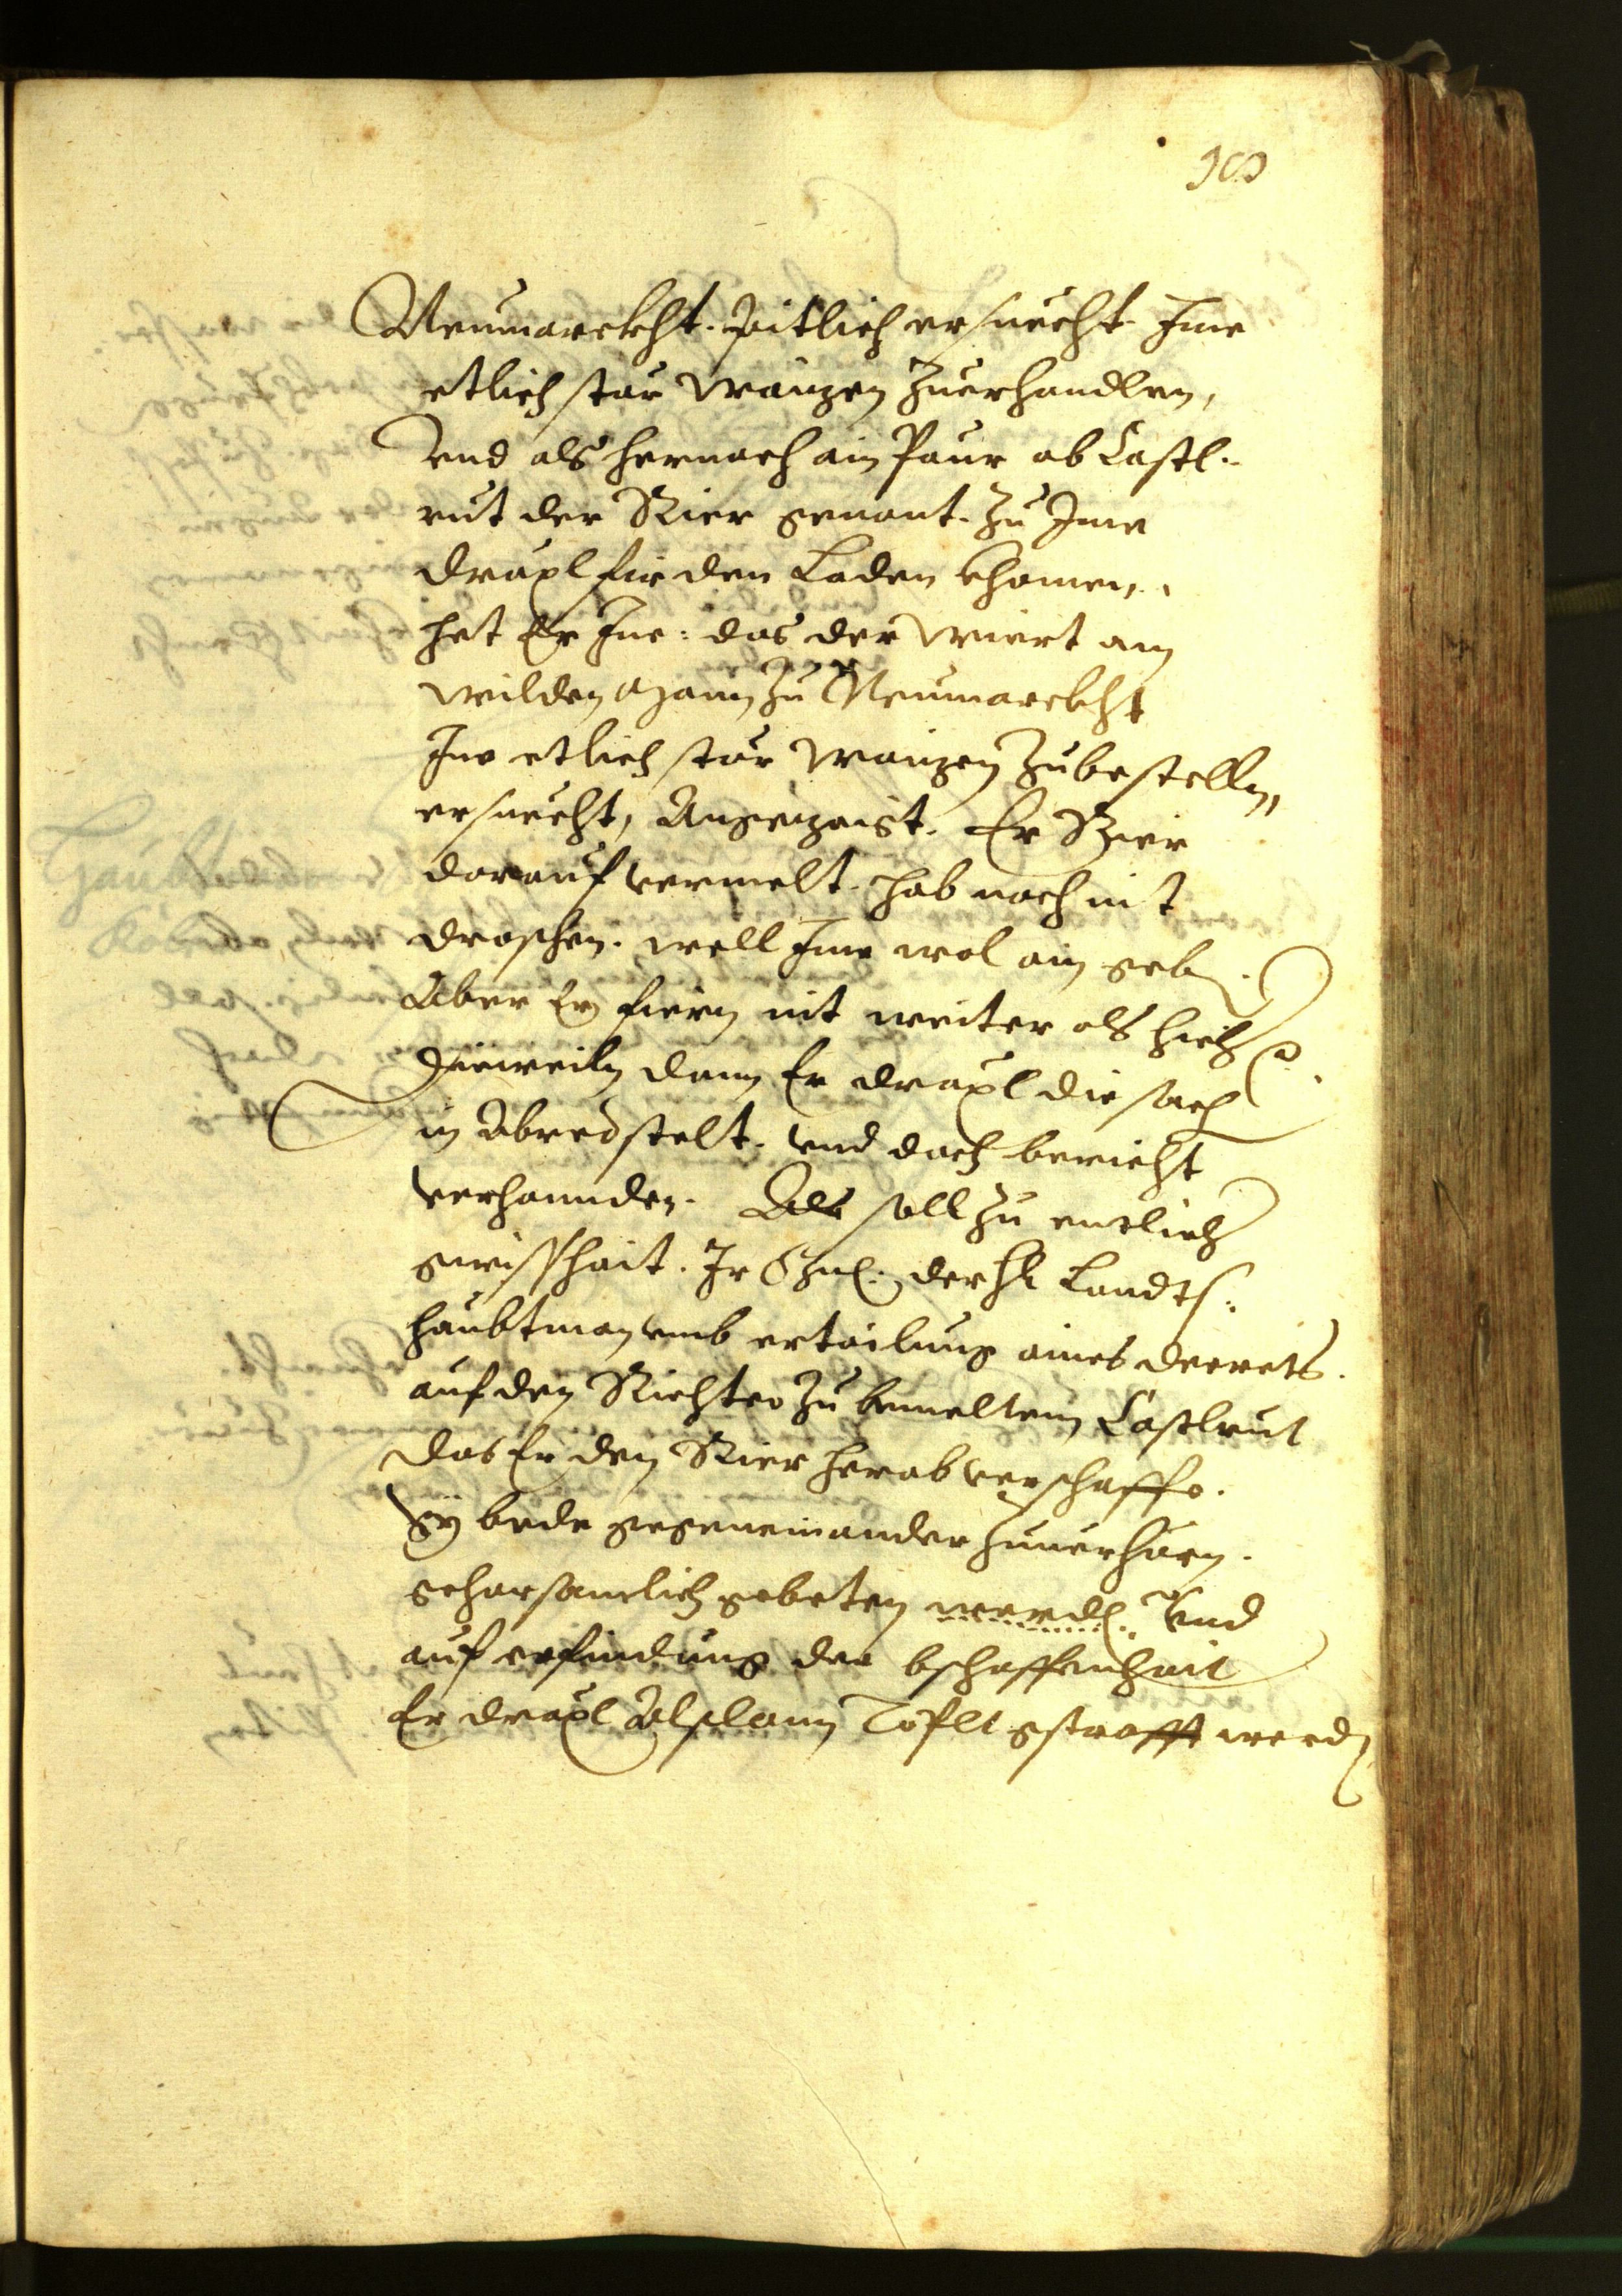18
Neūmarckht, Pitlich ersūecht Ime
etlich stār Waizen Zūerhandlen,
Vnd als hernach ain Paūr ob Castl¬
rūt der Rier genant. Zū Ime
drāxl fir den Laden khomen,
het Er Ine: das der Wiert am
wilden Mann Zū Neūmarckht
Ine etlich stār Waizen Zūbestelln,
ersūecht, Angezaigt. Er Rier
daraūf vermelt. Hab noch nit
droschen. well Ime wol ain geb.
Aber Er fiern nit weiter als hieh etc.
Derweiln dann Er drāxl die sach
in Abred stelt. vnd doch bericht
verhannden. Als soll Zū entlich
gwisshait. Ir Gn: der hl Landts¬
haūbtman vmb ertailūng aines decrets.
aūf den Richter Zū bemeltem Castlrūt
das Er den Rier herab verschaffe.
Sÿ bede gegeneinander Zūūerhōrn.
gehorsamlich gebeten werd. Vnd
aūf erfindūng der beschaffenhait
Er drāxl Alsdann Toplt gstrafft werd